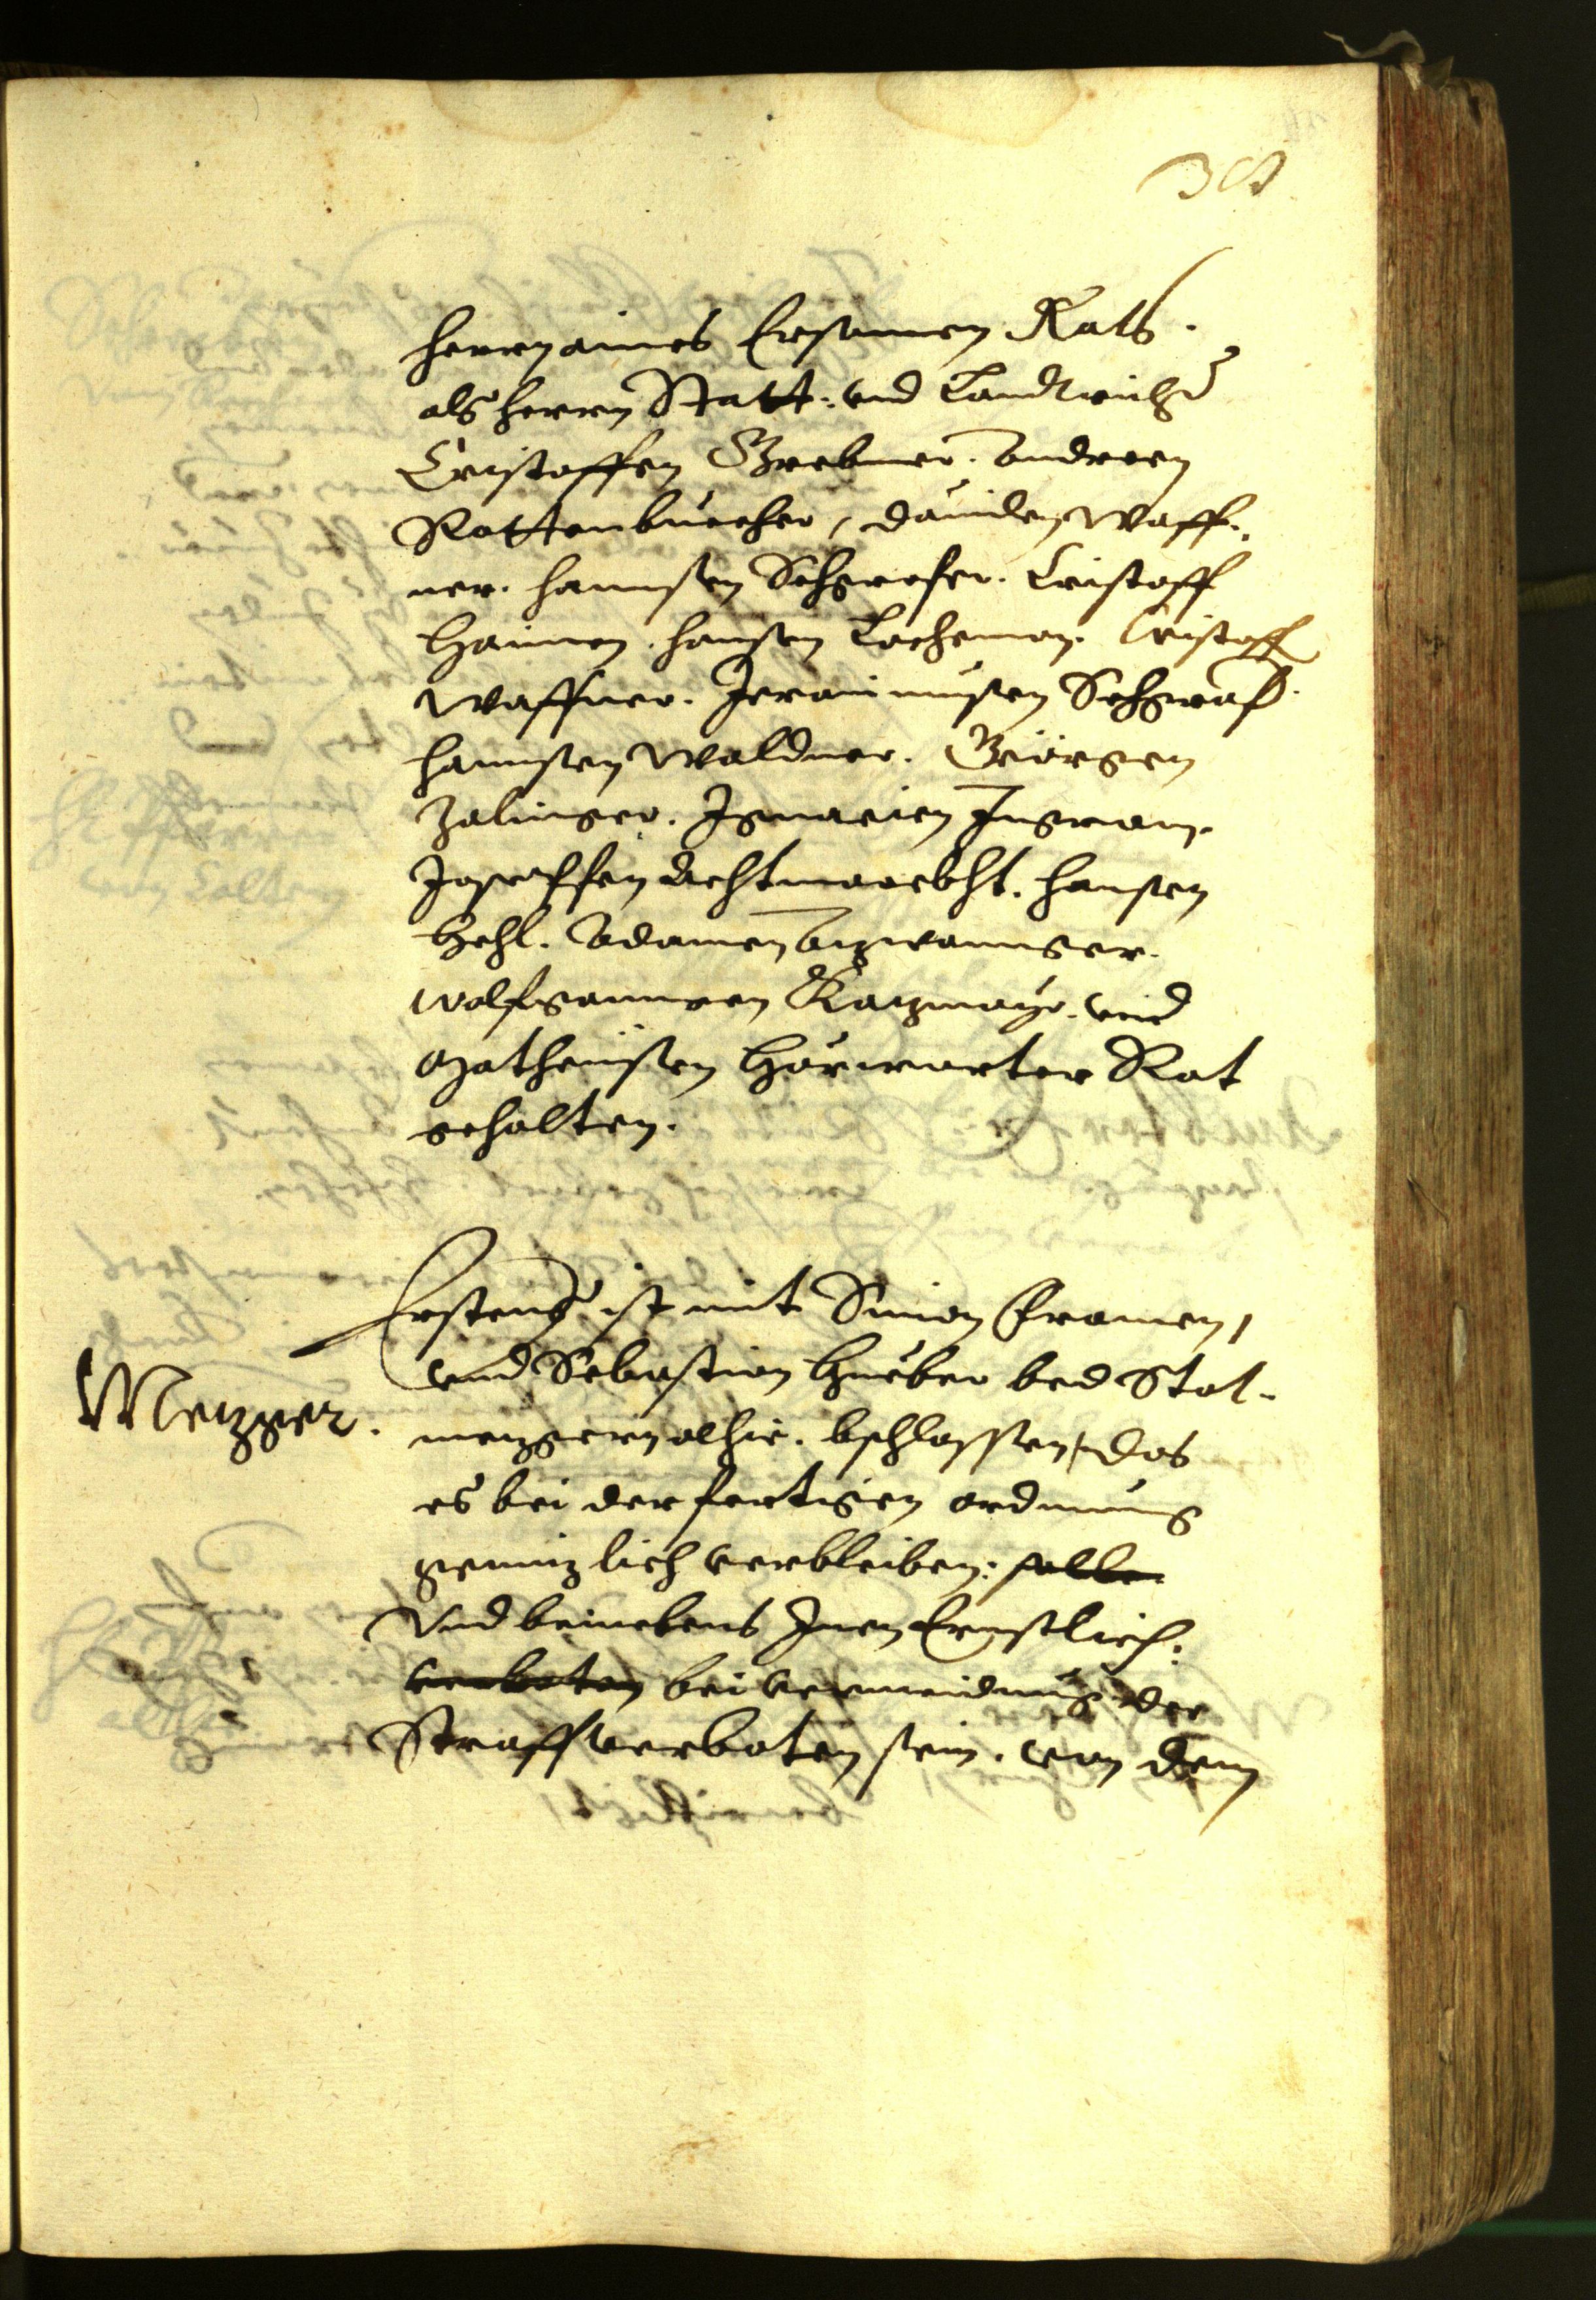38
herrn aines Ersamen Rats.
als herrn Statt: vnd Landtricht
Cristoffen Grebmer. Andreen
Rottenbūecher, Daūiden Waff¬
ner. hannsen Schgrafer. Cristoff
Haimen. hansen Locheman. Cristoff
Waffner. Jeronimūsen Schgraf
hannsen Waldner. Geörgen
Zalinger. Ignacien Ingram.
Joseffen Achtmarckht. hansen
Hehl. Adamen Azwannger.
Wolfganngen Kazmaȳr. vnd
Matheisen Hōrwarter Rat
gehalten.
Erstens ist mit Simon Fromen,
vnd Sebastian Hūeber bed Stat¬
mezger alhie. bschlossen, das
es bei der fertigen ordnūng
gennzlich verbleiben: sollen
Vnd beinebens Inen Ernstlich:
verboten bei vermeidūng der
Straff verboten sein. von dem
Mezger.